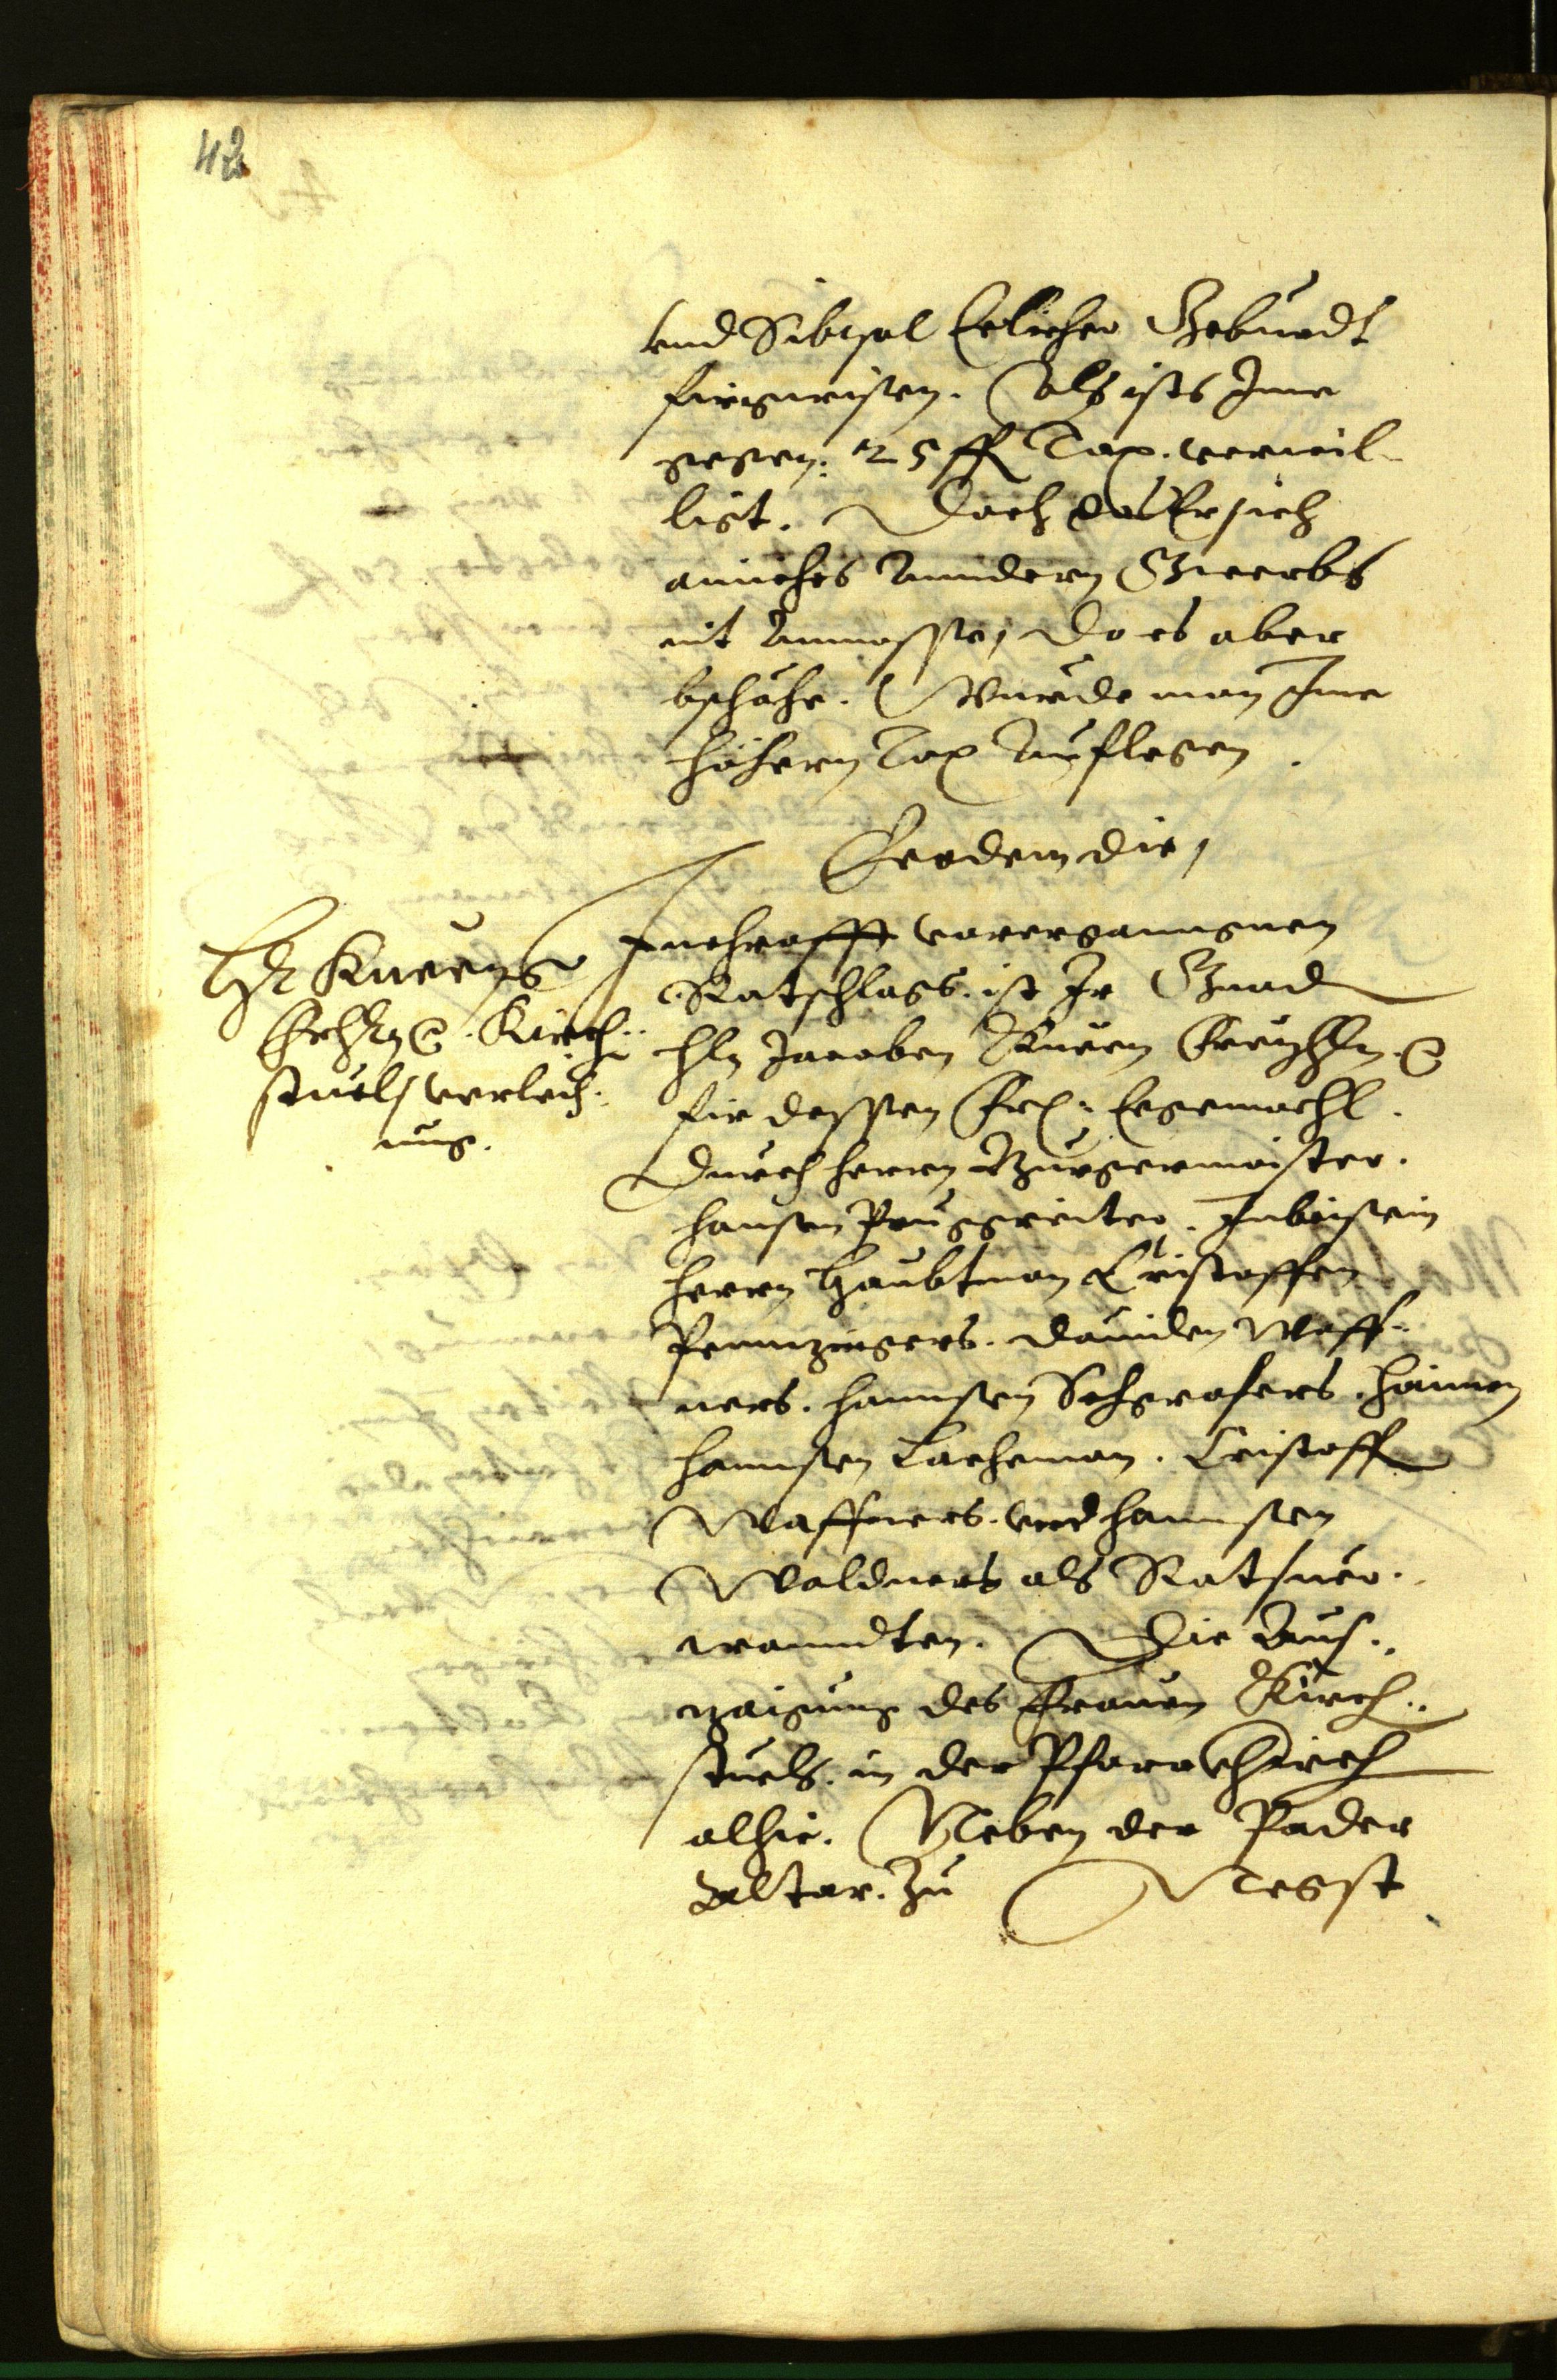42
vnd Sibtsal Eelicher Gebūrdt
firgwisen. Als ists Ime
gegen: 25 fl Tax. verwil¬
ligt. Doch das Er sich
ainiches Anndern Gwerbs
nit Anmasse, da es aber
beschōhe. Wūrde man Ime
höhern Tax Aūflegen.
Eeodem die,
Inchrafft vorerganngnen
Ratschlags. ist Ir Gnad
hln Jacoben Kūeen Freȳherrn etc.
fir dessen Fr: Eegemaehl.
dūrch herrn Būrgermaister.
hansen Prūggreiter. Inbeisein
herrn Haūbtman Cristoffen
Pennzingers. Daūiden Waff¬
ners. hannsen Schgrafers. haimen
hannsen Locheman. Cristoff
Waffners. vnd hannsen
Waldners als Ratsver¬
wandten. Die Aūs¬
zaigūng des Fraūen Kirch¬
stūels. in der Pfarrkhirch
alhie. Neben der Pader¬
Altar. Zū Negst
H Kūeens
Frhn etc. Kirch¬
stūel verleich¬
ūng.